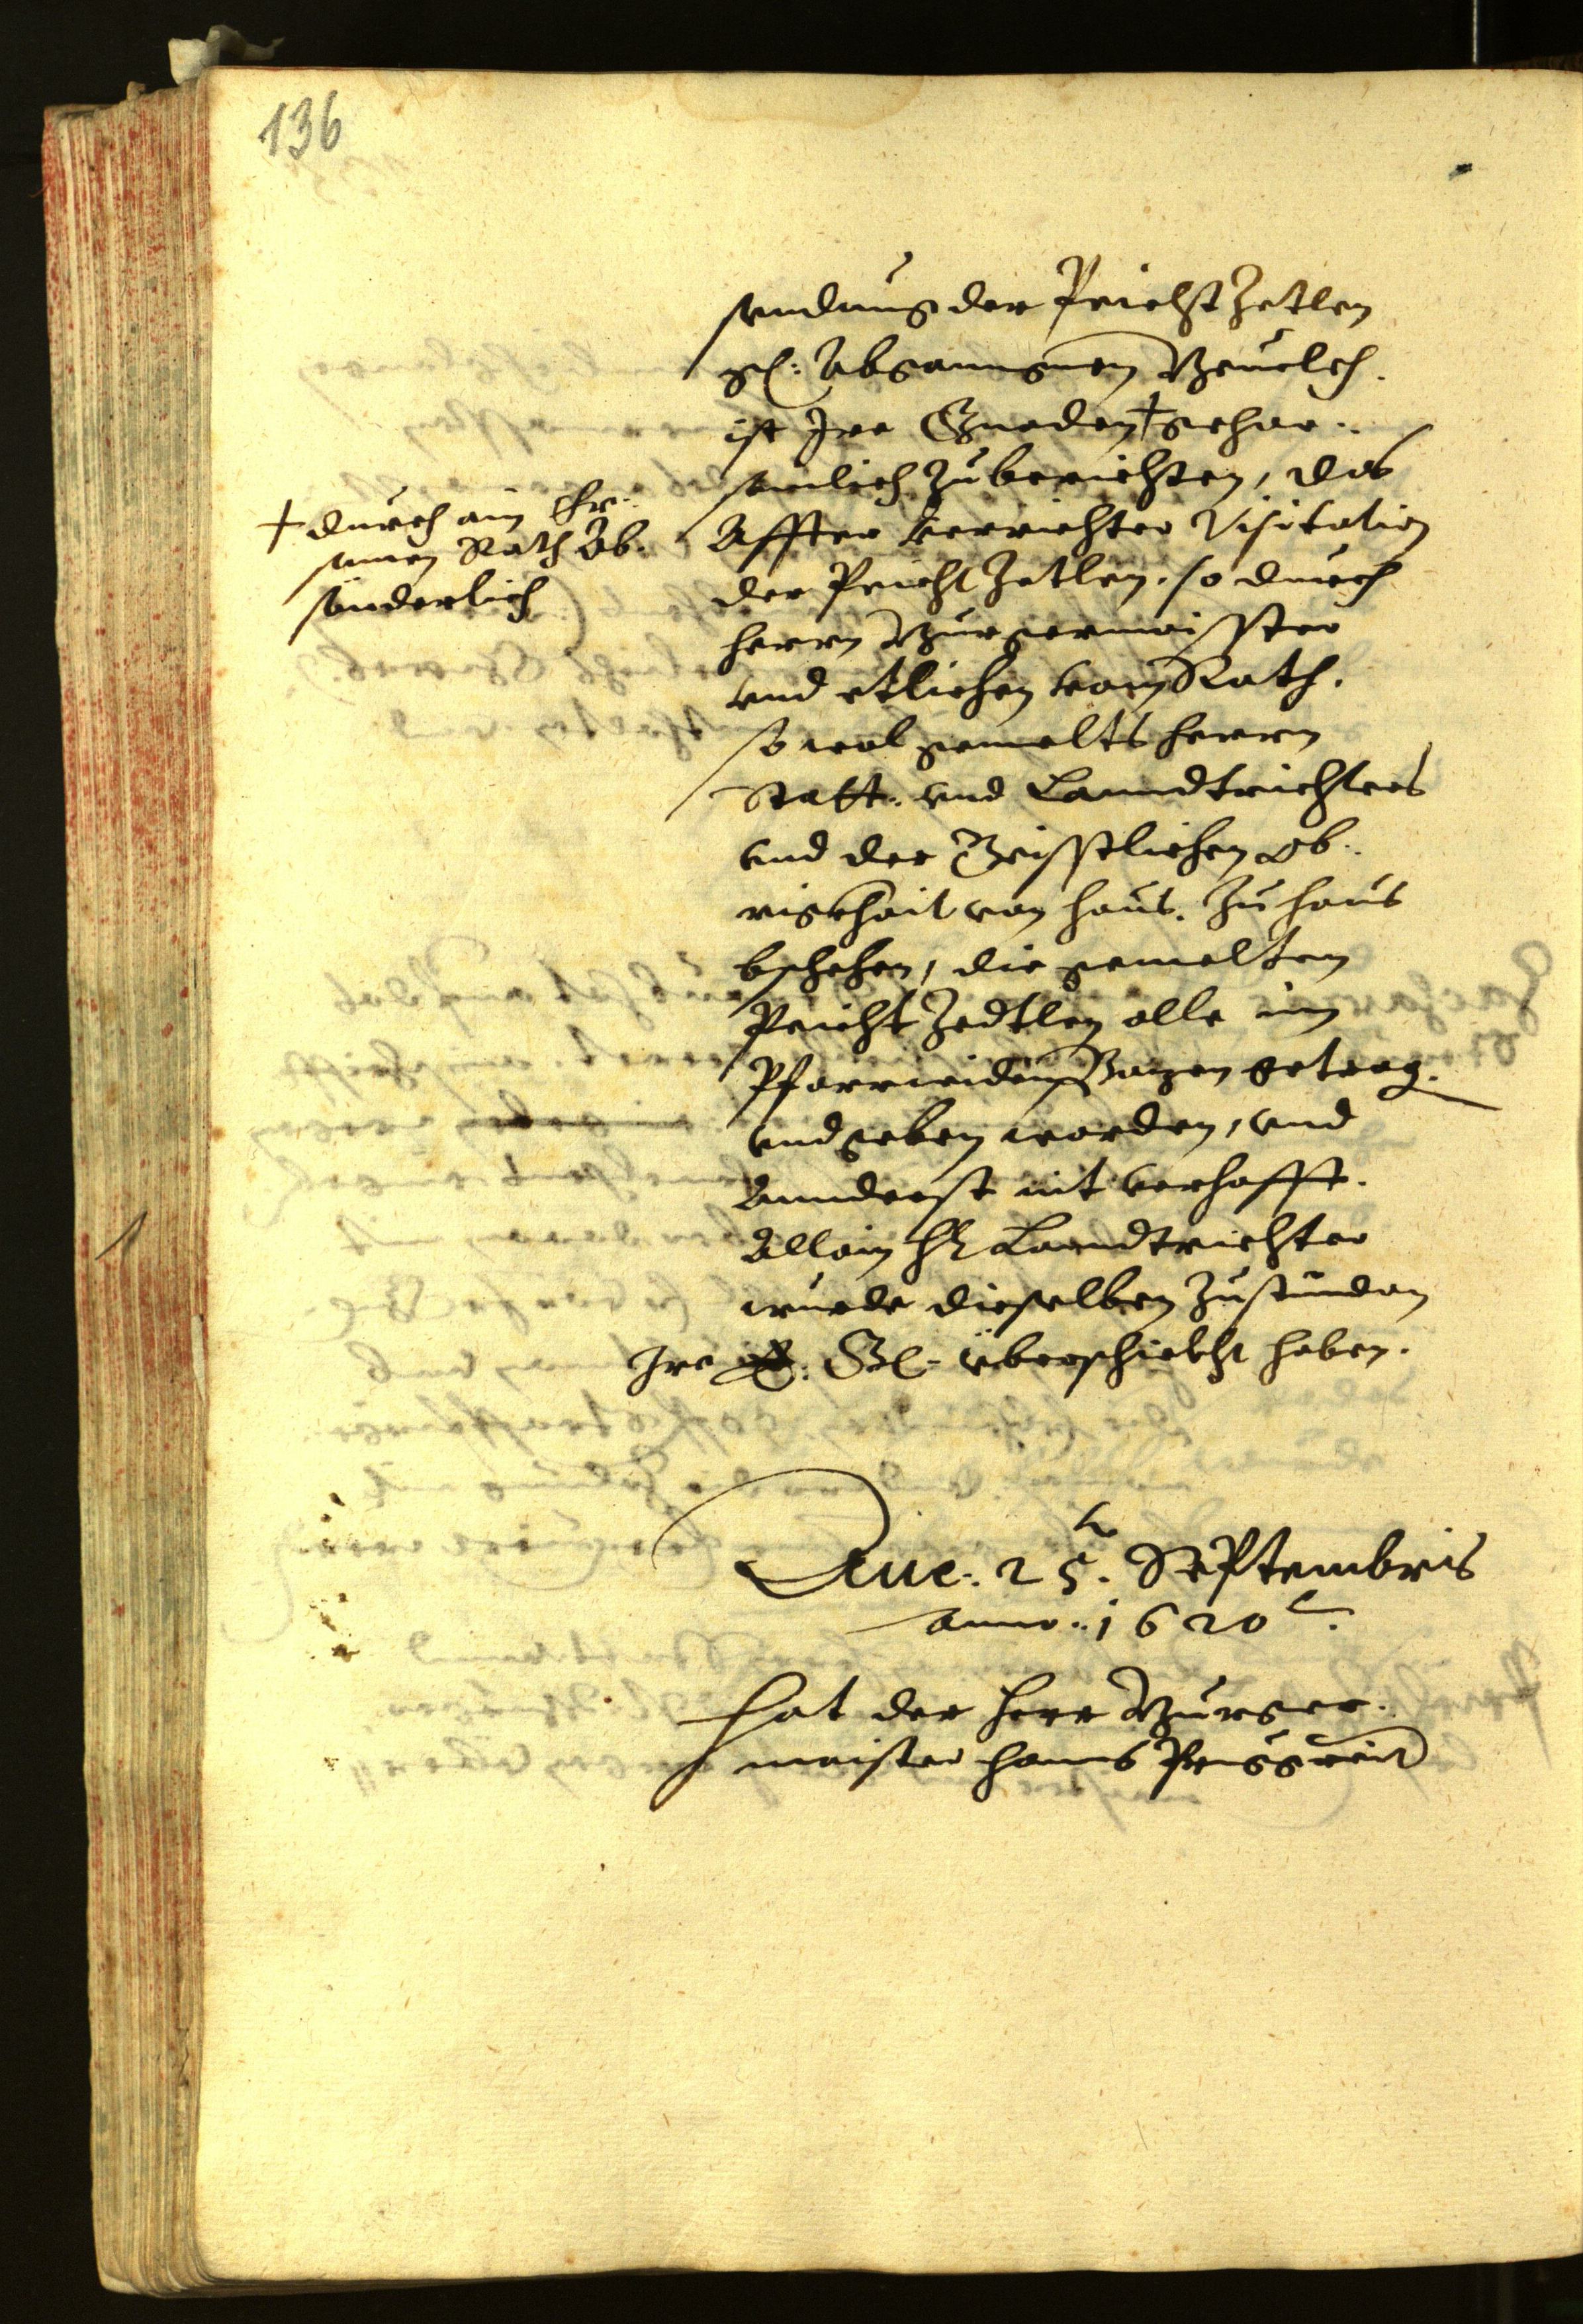136
sendūng der Peicht Zetlen
g: abganngnen Beūelch.
ist Ire Gnaden gehor¬
samlich Zū berichten, das
Affter verrichter Visitation
der Peicht Zetlen. so dūrch
herrn Būrgermaisster
vnd etlichen vom Rath.
so wol gemelts herrn
Statt: vnd Lanndtrichters
vnd der Geisstlichen Ob¬
rigkhait von haūs. Zū haūs
bschehen, die gemelten
Peicht Zedtlen alle im
Pfarrwidem Bozen getrag
vnd geben worden, vnd
Annderst nit verhofft.
Allain h Landtrichter
wūrde dieselben Zūstūndan
Ire xxx G: v̈berschickht haben.
dūrch ain Er¬
samen Rath Ab¬
sonderlich
t
Am: 25. SePtembris
Anno: 1620.t
Hat der herr Būrger¬
maister Hanns Prūggreit